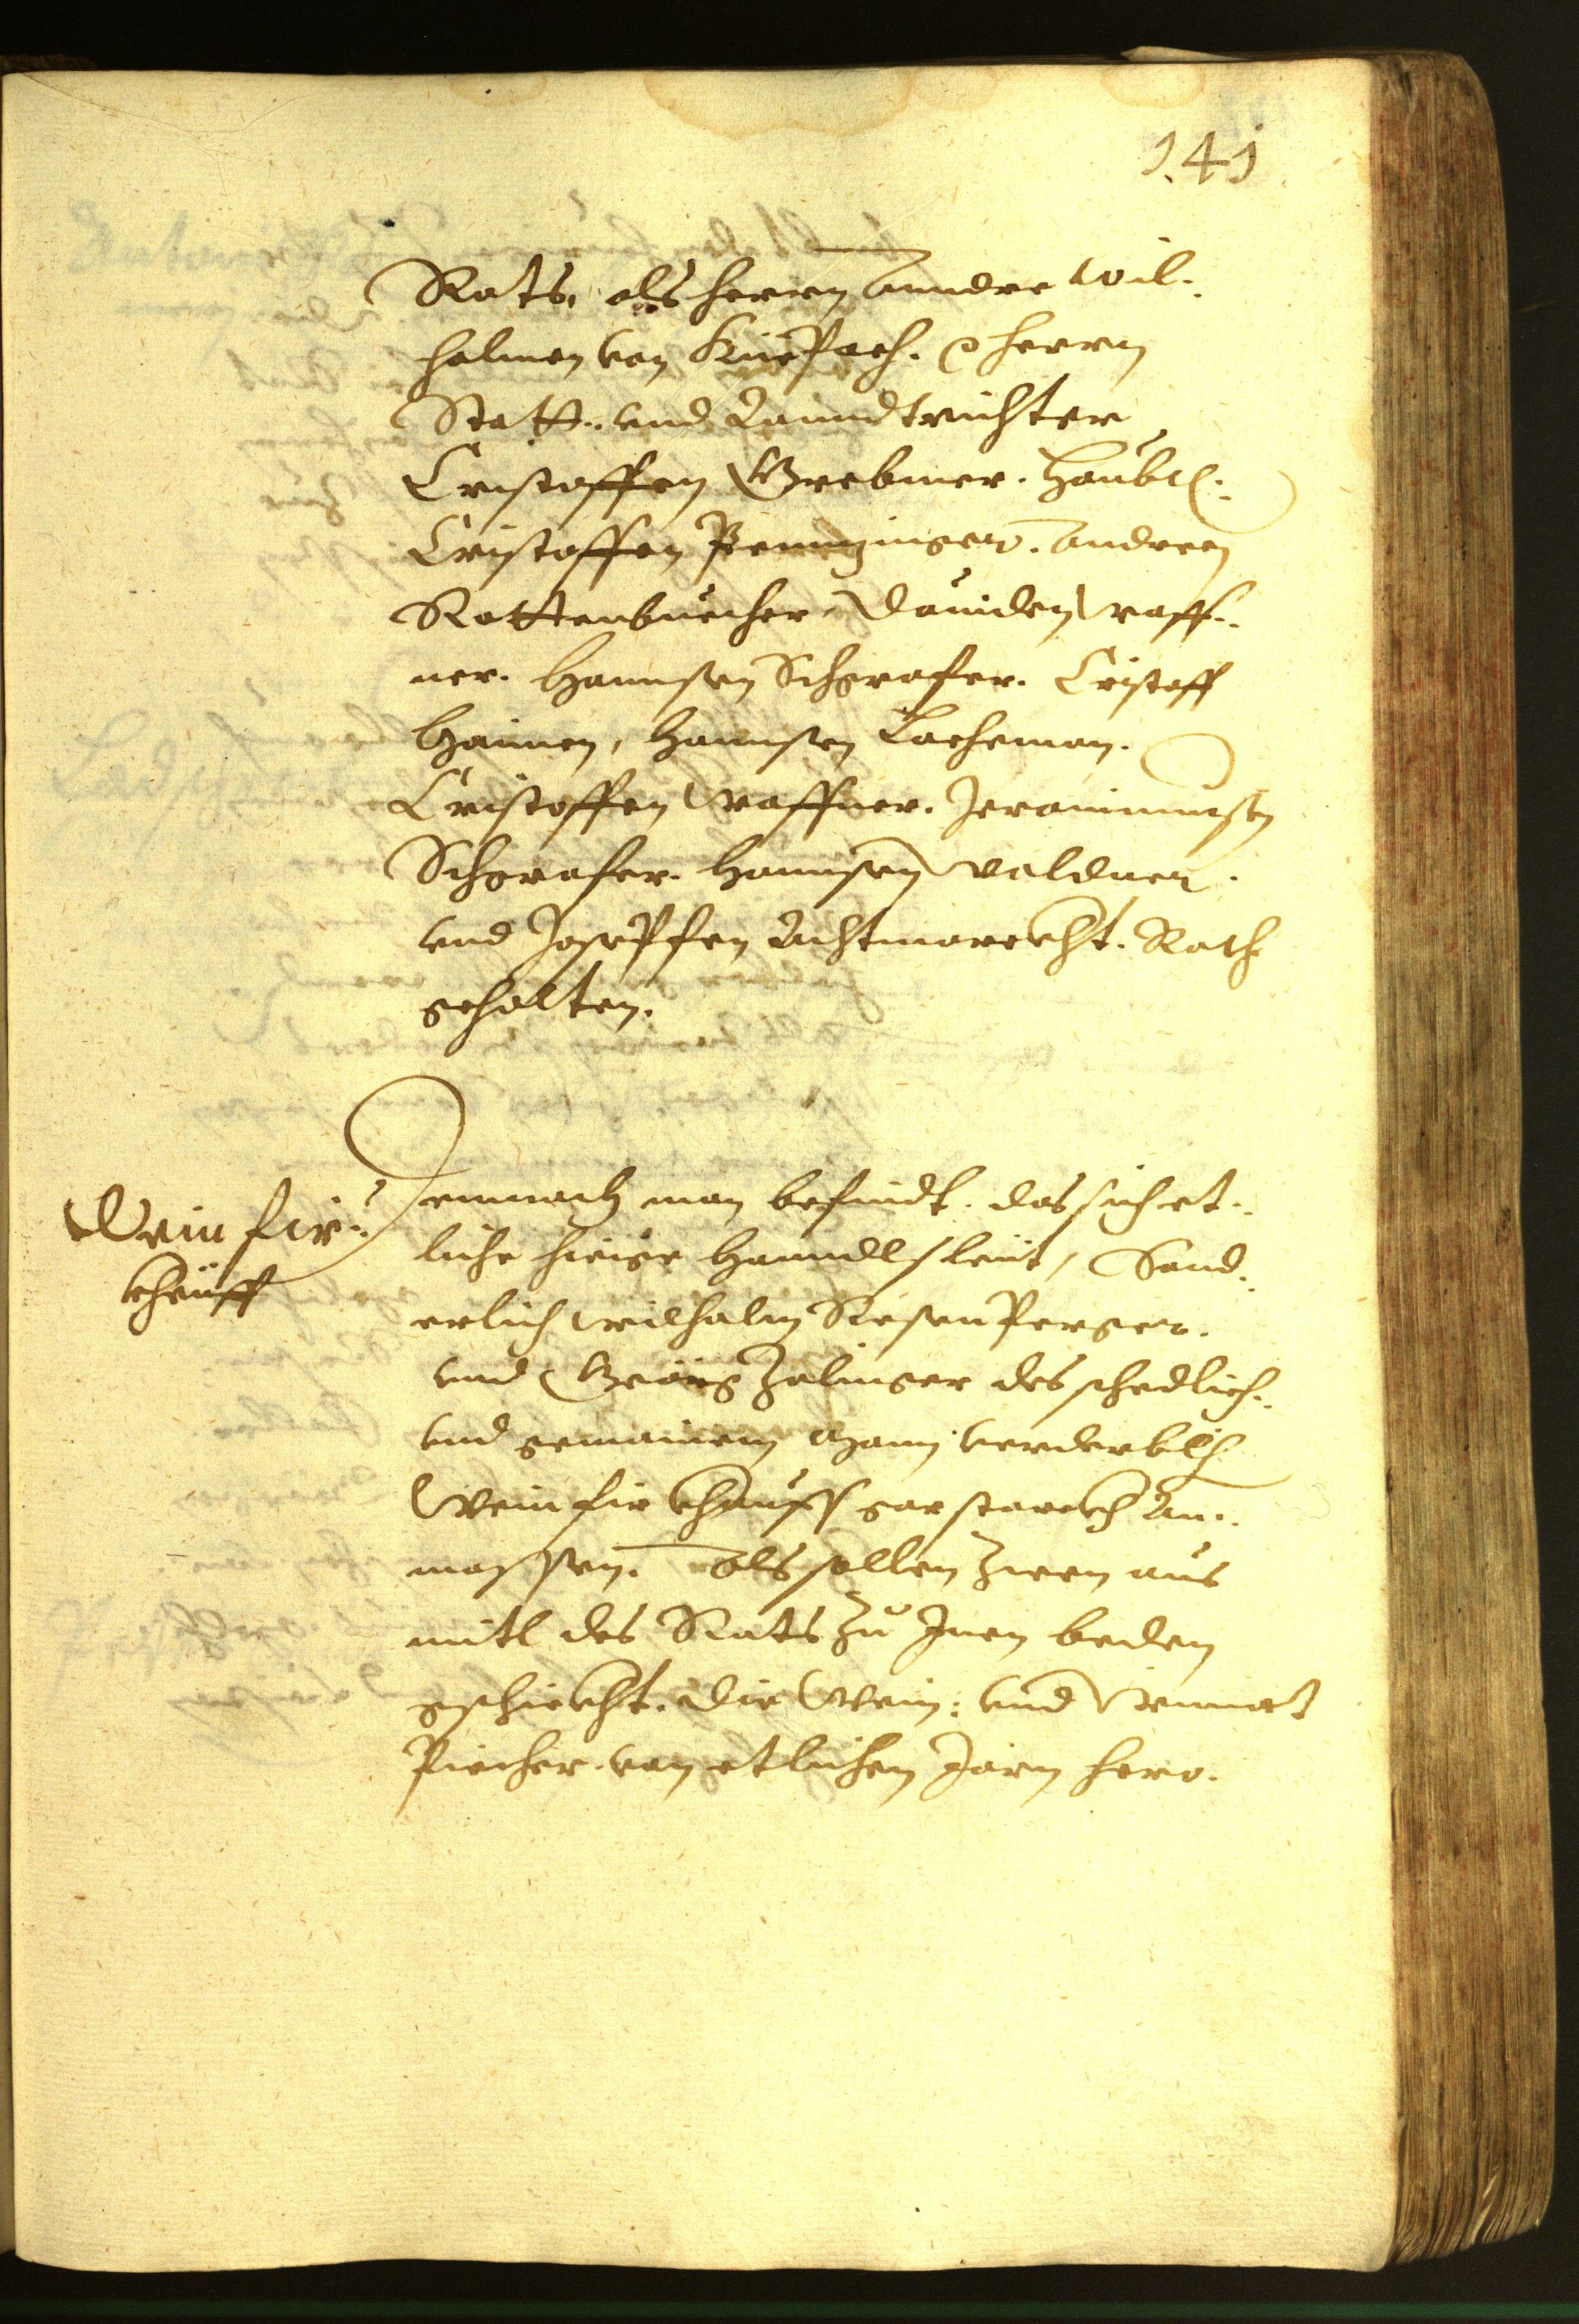241
Rats. als herrn Anndre Wil¬
halmen von KüePach. etc herrn
Statt: vnd Lanndtrichter
Cristoffen Grebmer. Haūbt:
Cristoffen Pennzinger. Andreen
Rottenbūecher. Daūiden Waff¬
ner. Hannsen Schgrafer. Cristoff
Haimen, Hannsen Locheman.
Cristoffen Waffner. Jeronimūsen
Schgrafer. Hannsen Waldner.
vnd Joseffen Achtmarckht. Rath
gehalten.
Demnach man befindt. das sich et¬
liche hieige Hanndlsleüt, Sond-
erlich wilhalm Resen Perger.
vnd Geörg Zalinger des schedlich¬
vnd gemainen Mann verderbl
Wein fir khaūff gar starckh An¬
massen. Als sollen Zwen aūs
mitl des Rats Zū Inen beden
gschickht. die Wein: vnd Wimat
Piecher. von etlichen Jarn hero¬
Wein fir¬
kheüff